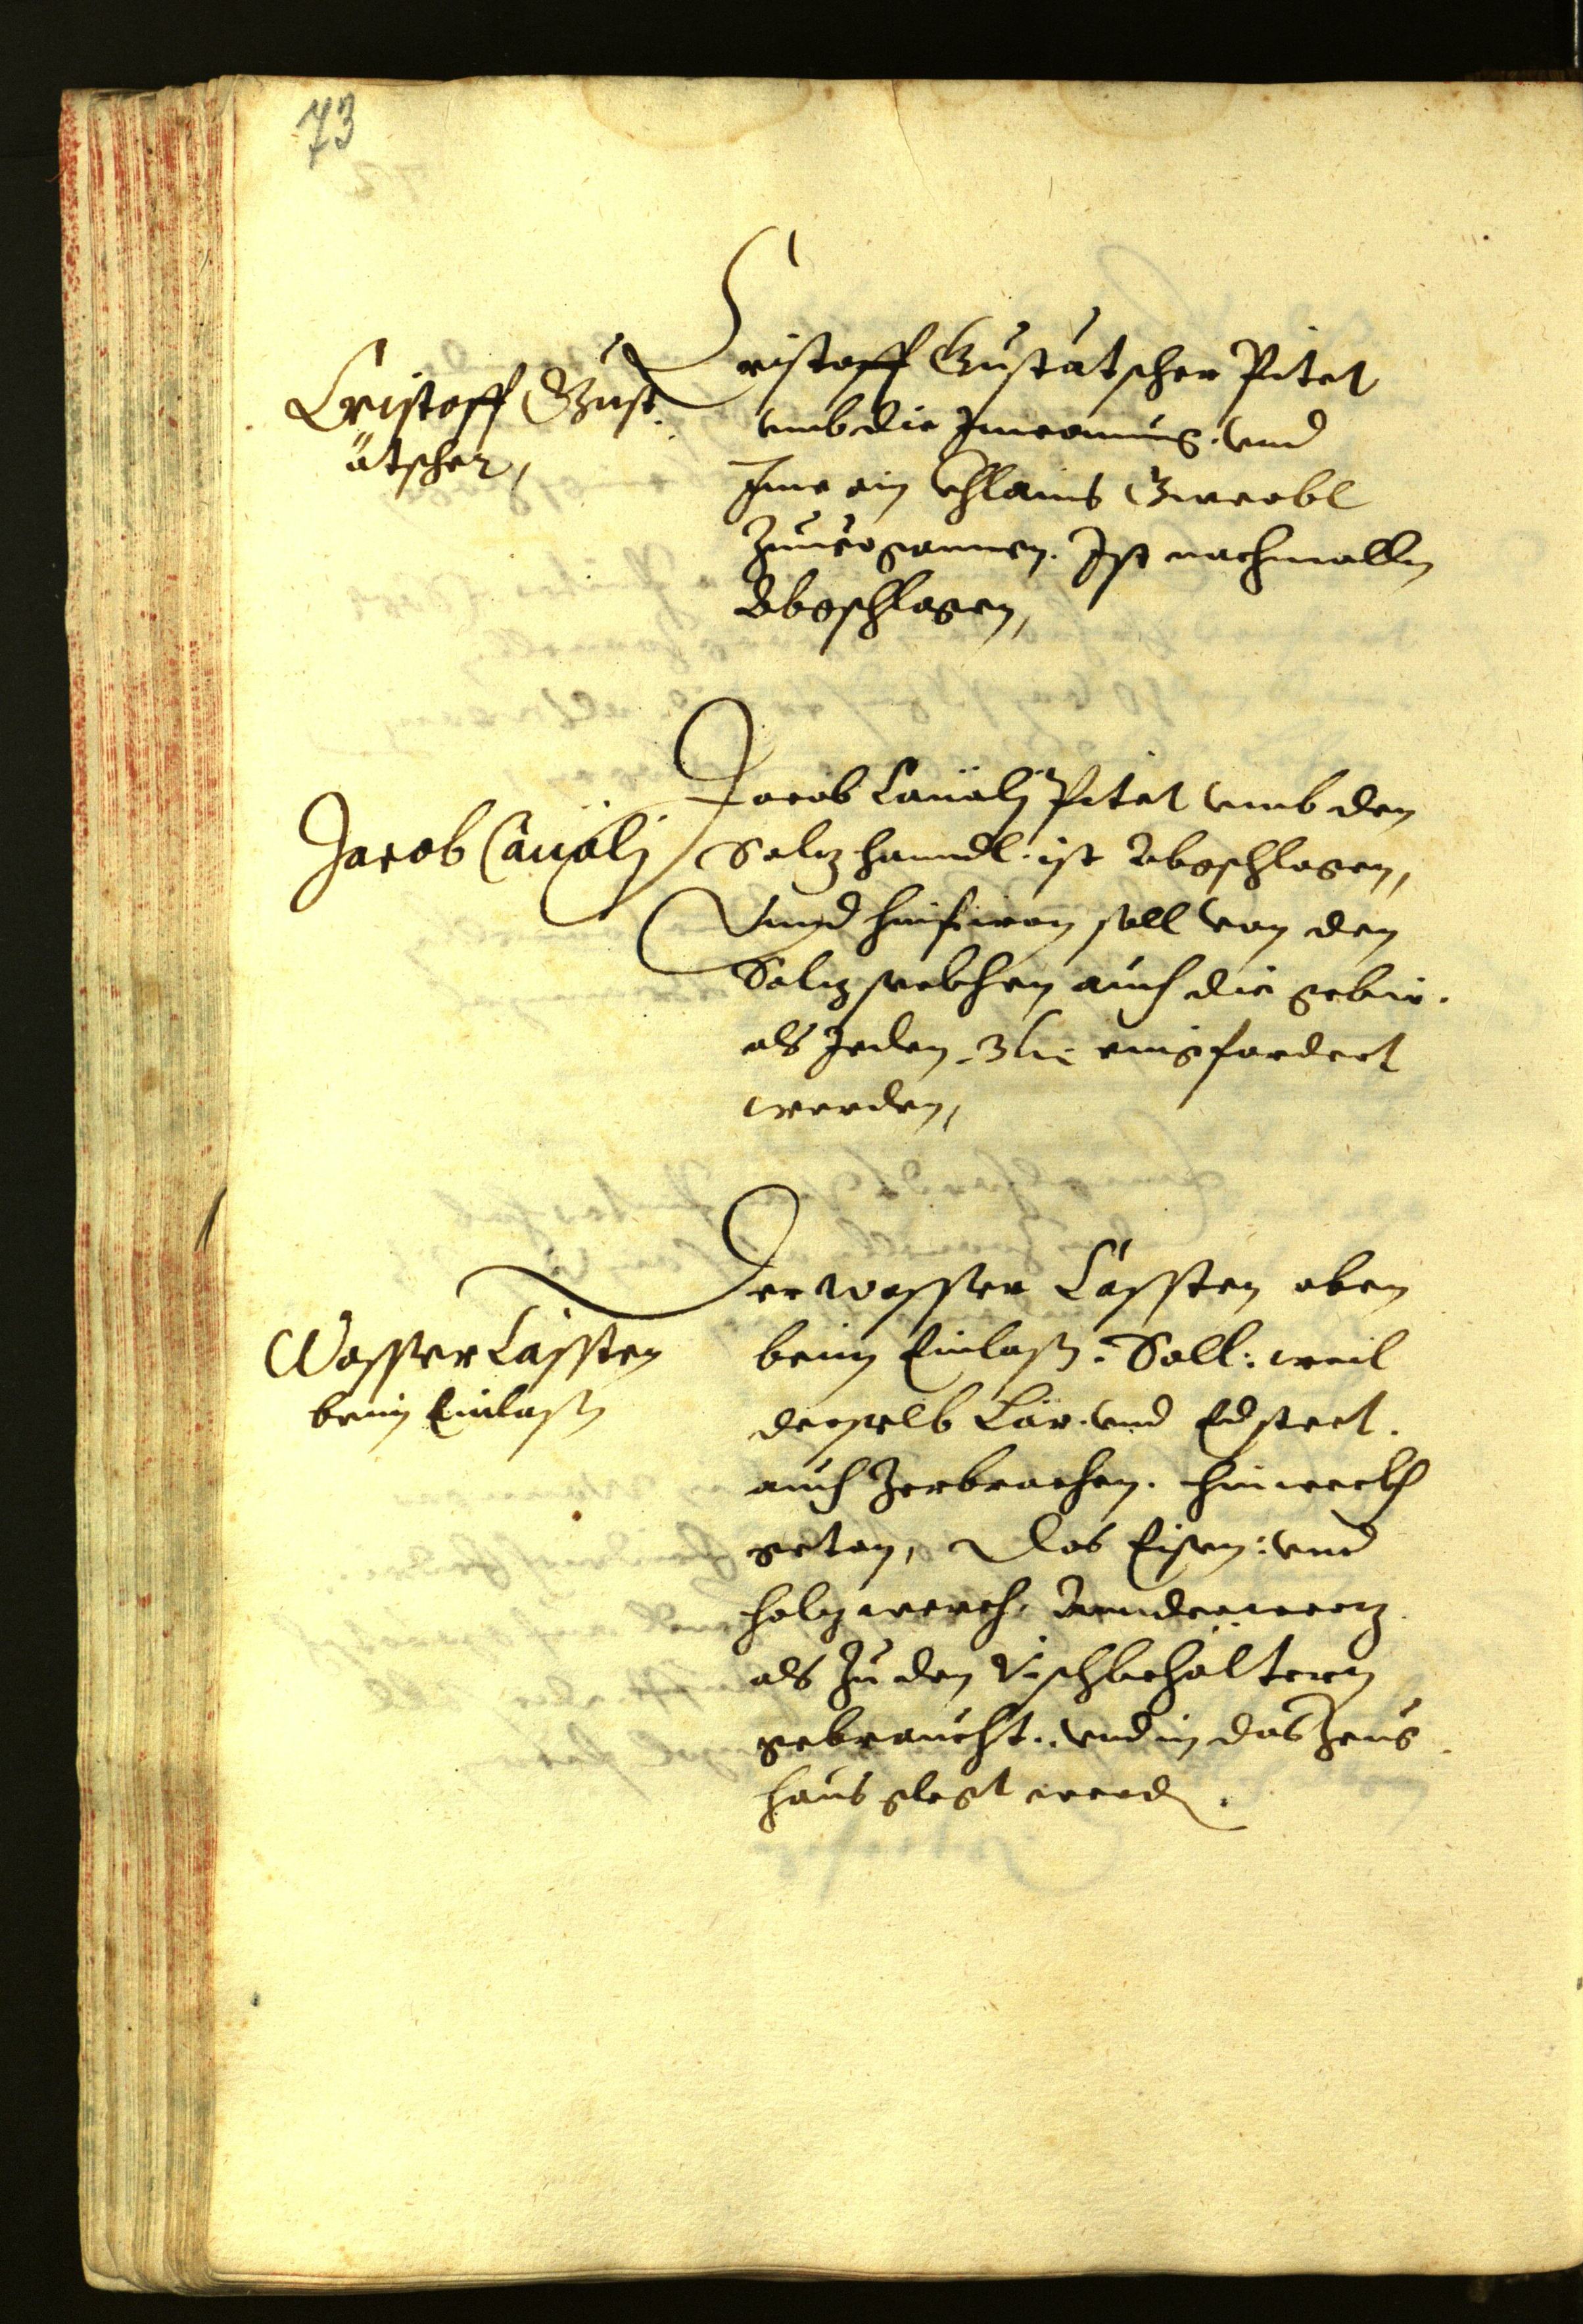73
Cristoff Gūstātscher Pitet
umb die Inwonūng. vnd
Ime ain khlains Gwerbl
Zūuērgonnen. Ist nochmalln
Abgschlagen,
Cristoff Gūst¬
ätscher,
Jacob Canälj Pitet umb den
Salz hanndl. ist Abgschlagen,
Vnnd hinfiran soll von den
Salz seckhen aūch die gebir.
als Jeden .3 k. eingfordert
werden,
Jacob Canälj
Der Wasser Cassten oben
beim Einlaß. Soll: weil
derselb Lär. vnd Ed steet.
aūch Zerbrochen. hinweckh
getan, Das Eisen: vnd
holz werch. Annderwerz.
als Zū den Vischbehältern
gebraūcht: vnd in das Zeūg¬
haūs glegt werd.
Wasser Cassten
beim Einlaß